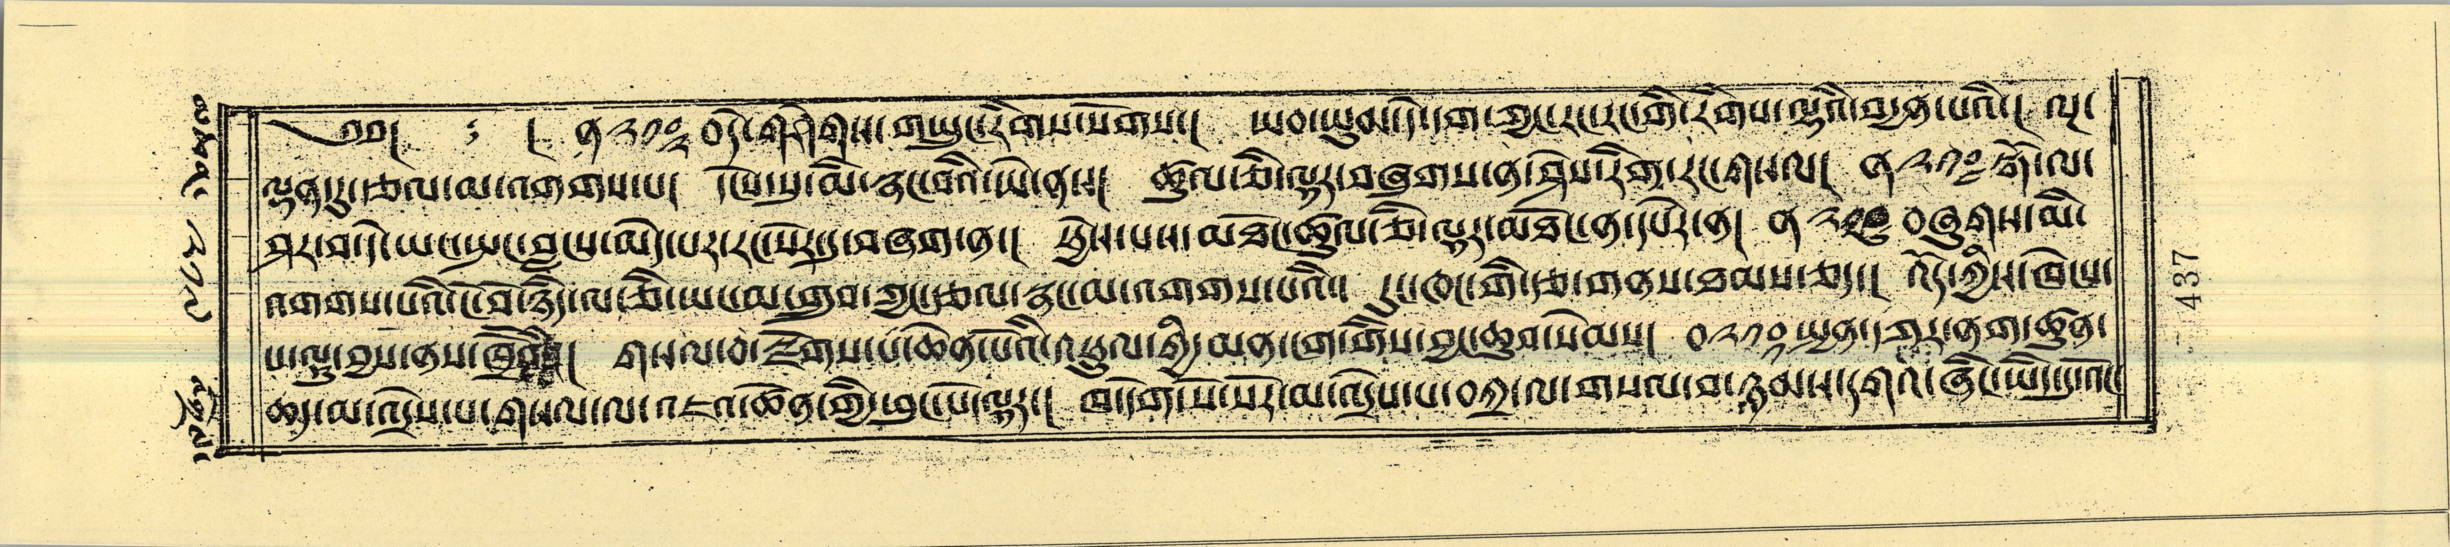ན༢༠༡༠།༢༼བདེར་གཤེགས༽གཡུང་དྲུང་རིགས་སོགས་༼ཡབ་ཡུབ་༽དེ་དག་ཀྱང་རང་གི་རིགས་ལྷའིས་བརྒྱན་པའི་༼ལྔ་
ལྡན་དུ༽རྩལ་མ་འགག་པ་དངོས་སུ་མི་སྣང་བའི་༼ཡེ་ནས༽ཚུལ་ཇི་ལྟར་བཞུགས་ན་ཤེས་རིག་རང་༼གསལ༽ན༢༡༠།༤༼སྒོ་ལ
༽ཤར་ལ་བ་དེ་ལ་ཡང་སྤང་བླང་མེད་པར་རང་སོལ་རུ་བཞག་ན།༼ཕྱེས་པས༽མཐོང་ཚུལ་ཅི་ལྟར་མཐོང་ན་དཔེར་ན་ན༢༡༠།༦༼བཞུགས༽མི་
འགག་པའི་ངོ་བོ་ཉིད་ལ་ཅི་ཡང་མ་གྲུབ་ཀྱང་། རྩལ་སྣང་མ་འགག་པའི་དུང་ཁང་གི་རྩ་གནས་ཐམས་ཅད་༼འོད་ཀྱིས༽ཁེངས་
པ་ལྟ་བུ་བྱས་ནས་ཁྲོ་བོའི་ ༼གསལ་བ༽རྫོགས་པ་ཆེན་པོའི་འཕྲུལ་གྱི་མན་ངག་གིས་བྱང་ཆུབ་སེམས་བ༢༡༠།༡ སྤྱན་དཀར་ནག་ཚུན་
ཆད་མ་འདྲེས་པར་༼གསལ་ལ༽འཇའ་ཚོན་གྱི་ཕུང་པོ་ལྟར་ཁ་དོག་སོ་སོར་མ་འདྲེས་པ་༼བཀྲ་ལ༽གསལ་བ་ལྟར་༼ཉམས་དགའ་ཞིང་༽ཡིད་དུ་འོང་